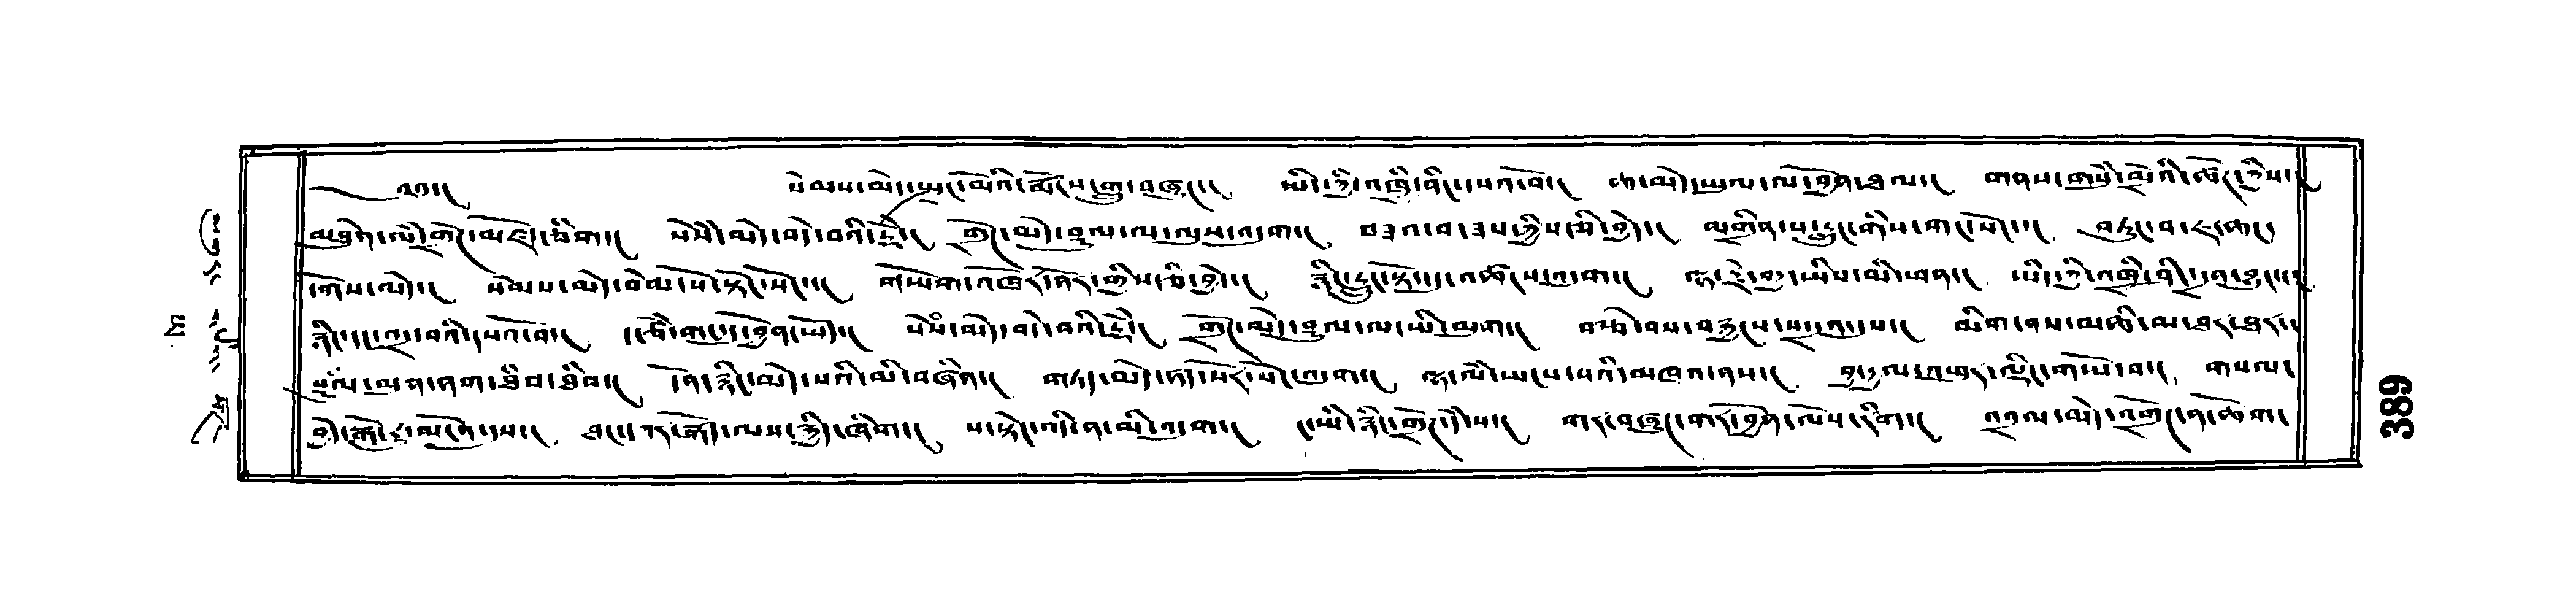སེམས་མེད་སྤྲང་མོའི་རྨོངས་གླུ་བཞུགས། ཡིད་ཀྱི་འཁྲི་ཤིང་དཔའ་བོ། །ཆ་མེད་ཡུལ་ལ་བྱོན་ཐལ། །གནས་གསུམ་མཁའ་འགྲོའི་ཚོགས་ཀྱིས། །
མཐུན་མཁྱེན་ལམ་གྲོགས་མཛོད་ཅིག །སེམས་མེད་བདེ་བའི་རྡོ་རྗེ། །གྲོགས་མེད་ཤུལ་ལ་ལུས་འདུག །བཟའ་བ་ཟས་ཀྱིས་ཅི་བྱེད། །མགྲིན་པ་རླུང་གིས་གང་སོང་། །བཏུང་བ་ཇ་ཆང་
དགོས་མེད། །སེམས་མེད་བེམ་པོ་སྟོང་སོང་། །གཡོག་འཁོར་ནོར་གྱིས་ཅི་བྱེད། །སྙིང་རླུང་སྟོང་དུ་འཚངས་འདུག །ལྷ་རྗེ་བརྒྱ་ཡིས་མི་ཕན། །ཡིད་ཀྱི་འཁྲི་ཤིང་དྲན་བྱུང་། །
སྙིང་དང་འདྲ་བའི་དཔའ་བོ། །ད་ཙམ་གང་དུ་བྱོན་ཡོད། །སེམས་མེད་བདེ་བའི་རྡོ་རྗེ། །གྲོགས་མེད་ཤུལ་ལ་ཡི་མུག །བརྩེ་བས་བསྐྱངས་པ་དྲན་དུས། །མིག་ནས་མཆི་མ་ཐར་ཐར། །
སྡུག་བསྔལ་མུན་ནག་ཐིབ་ཐིབ། །དོན་སྙིང་མེད་པའི་མི་བཞིན། །གཏད་མེད་ཧད་པོར་སོང་འདུག །ལྷ་ལམ་ཡངས་པའི་མཁའ་ནས། །བྱ་རྒྱལ་འཕུར་ལྡིང་གཡོ་བ། །གསལ་
བྱེད་སྒོ་རུ་མངོན་དུས། །ཐང་དཀར་རྒོད་ལས་སྐྱིད་ཞིག །ས་སྟེང་འདི་ན་མི་འདུག །ང་ཡི་སྙིང་གྲོགས་དམ་པ། །གར་བཞུགས་གར་བྱོན་ལོས་རིག །འབྲལ་མེད་འགྲོགས་ན་ཆོག་